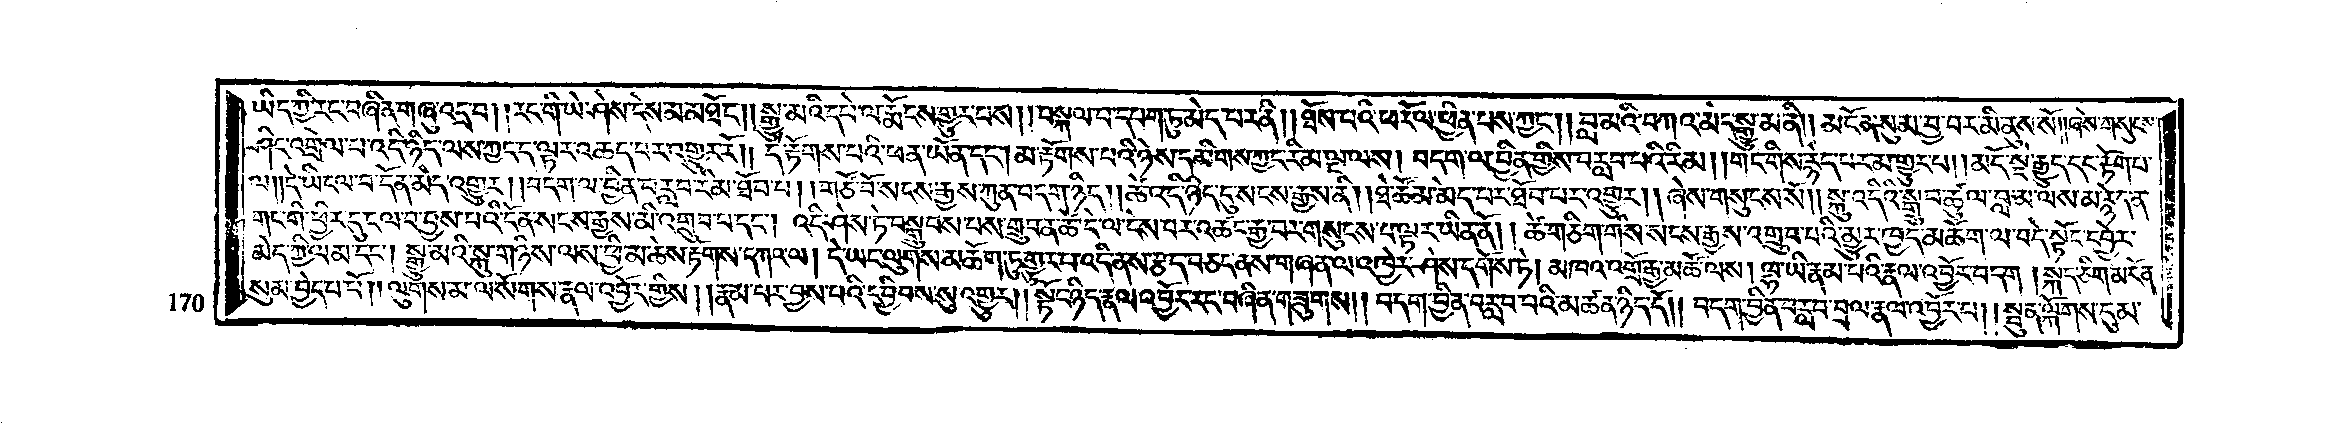ཡིད་ཀྱི་རང་བཞིན་གཞུ་འདྲ་བ། །རང་གི་ཡེ་ཤེས་དེས་མ་མཐོང་། །སྒྱུ་མའི་དཔེ་ལ་རྨོངས་གྱུར་པས། །བསྐལ་པ་དཔག་ཏུ་མེད་པར་ནི། །ཐོས་པའི་ཕ་རོལ་ཕྱིན་པས་ཀྱང་། །བླ་མའི་བཀའ་མེད་སྒྱུ་མ་ནི། །མངོན་སུམ་བྱ་བར་མི་ནུས་སོ། །ཞེས་གསུངས་
ཤིང་འགྲེལ་པ་འདི་ཉིད་ལས་ཀྱང་དེ་ལྟར་འཆད་པར་འགྱུར་རོ། །དེ་རྟོགས་པའི་ཕན་ཡོན་དང་། མ་རྟོགས་པའི་ཉེས་དམིགས་ཀྱང་རིམ་ལྔ་ལས། བདག་ལ་བྱིན་གྱིས་བརླབ་པའི་རིམ། །གང་གིས་རྙེད་པར་མ་གྱུར་པ། །མདོ་སྡེ་རྒྱུད་དང་རྟོག་པ་
ལ། །དེ་ཡི་ངལ་བ་དོན་མེད་འགྱུར། །བདག་ལ་བྱིན་བརླབ་རིམ་ཐོབ་པ། །གཙོ་བོ་སངས་རྒྱས་ཀུན་བདག་ཉིད། །ཚེ་འདི་ཉིད་དུ་སངས་རྒྱས་ནི། །ཐེ་ཚོམ་མེད་པར་ཐོབ་པར་འགྱུར། །ཞེས་གསུངས་སོ། །སྐུ་འདིའི་སྒྲུབ་ཚུལ་བླ་མ་ལས་མ་རྙེད་ན་
གང་གི་ཕྱིར་དུ་ངལ་བ་བྱས་པའི་དོན་སངས་རྒྱས་མི་འགྲུབ་པ་དང་། འདི་ཤེས་ཏེ་བསྒྲུབས་པས་གྲུབ་ན་ཚེ་དེ་ལ་ངེས་པར་འཚང་རྒྱ་བར་གསུངས་པ་ལྟར་ཡིན་ནོ། །ཚེ་གཅིག་གིས་སངས་རྒྱས་འགྲུབ་པའི་མྱུར་ཁྱད་མཆོག་ལ་བདེ་སྟོང་དབྱེར་
མེད་ཀྱི་ལམ་དང་། སྒྱུ་མའི་སྐུ་གཉིས་ལས་ཕྱི་མ་ཆེས་རྟོགས་དཀའ་ལ། དེ་ཡང་ལུགས་མཆོག་ཏུ་གྱུར་པ་འདི་ནས་རྩད་བཅད་ནས་གཞན་ལ་འཁྱེར་ཤེས་དགོས་ཏེ། མཁའ་འགྲོ་རྒྱ་མཚོ་ལས། ལྷ་ཡི་རྣམ་པའི་རྣལ་འབྱོར་བདག །སྐད་ཅིག་མངོན་
སུམ་བྱེད་པ་པོ། །ལུགས་མ་ལ་སོགས་རྣལ་འབྱོར་གྱིས། །རྣམ་པར་བྱས་པའི་དབྱིབས་སུ་འགྱུར། །སྟོང་ཉིད་རྣལ་འབྱོར་རང་བཞིན་གཟུགས། །བདག་བྱིན་བརླབ་པའི་མཚན་ཉིད་དོ། །བདག་བྱིན་བརླབ་བྲལ་རྣལ་འབྱོར་པ། །སྦུན་ལྐོགས་དུམ་